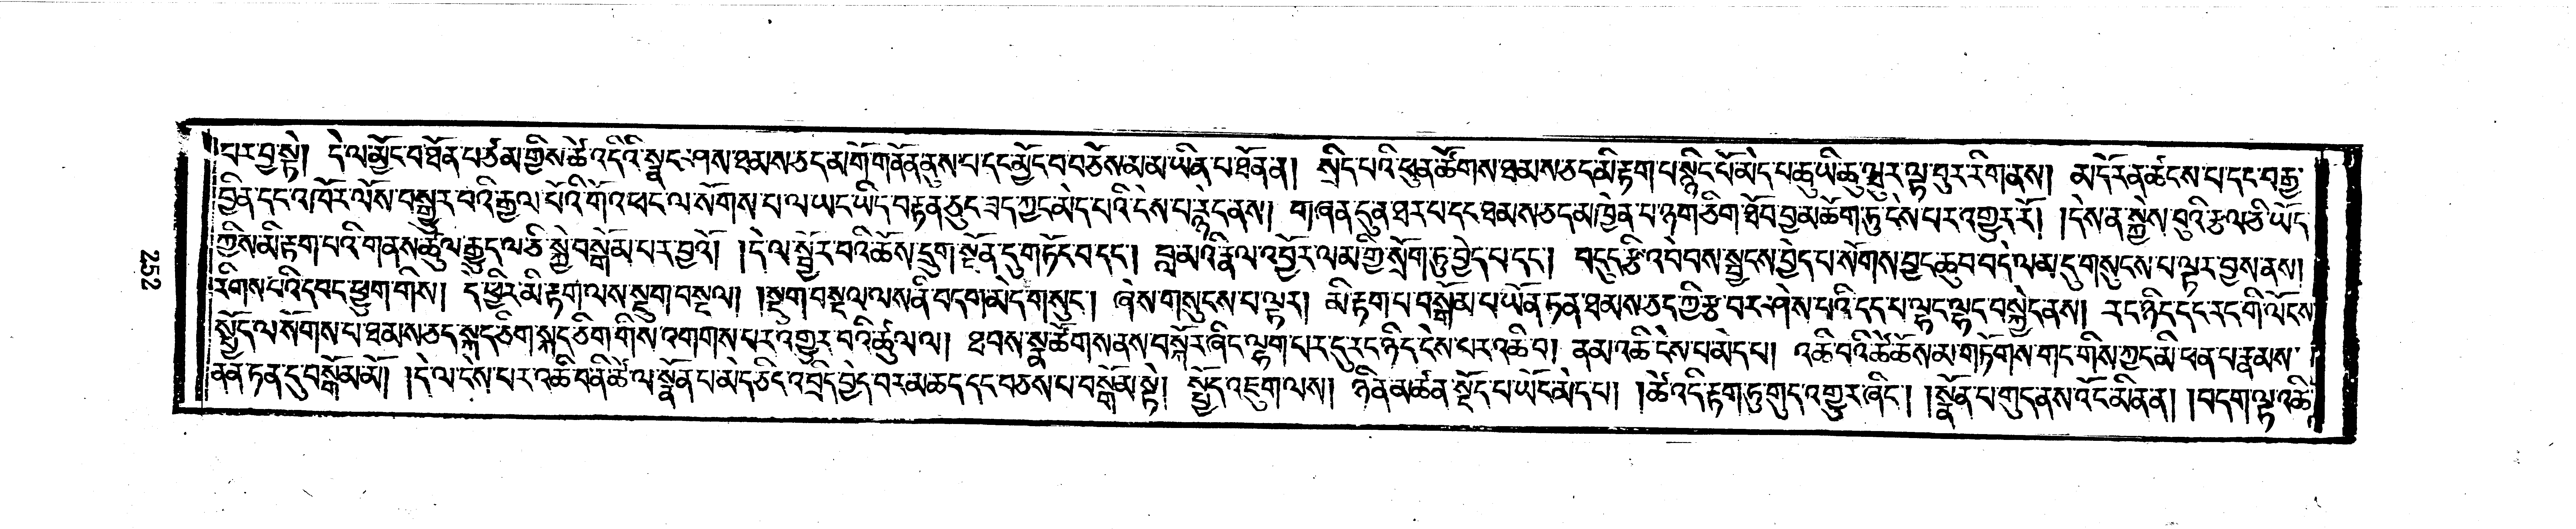པར་བྱ་སྟེ། དེ་ལ་མྱོང་བ་ཐོན་པ་ཙམ་གྱིས་ཚེ་འདིའི་སྣང་ཤས་ཐམས་ཅད་མགོ་གནོན་ནུས་པ་དང་མྱོང་བ་བཅོས་མམ་ཡིན་པ་ཐོན་ན། སྲིད་པའི་ཕུན་ཚོགས་ཐམས་ཅད་མི་རྟག་པ་སྙིང་པོ་མེད་པ་ཆུ་ཡི་ཆུ་ལྤུར་ལྟ་བུར་རིག་ནས། མདོར་ན་ཚངས་པ་དང་བརྒྱ་
བྱིན་དང་འཁོར་ལོས་བསྒྱུར་བའི་རྒྱལ་པོའི་གོ་འཕང་ལ་སོགས་པ་ལ་ཡང་ཡིད་བརྟན་ཅུང་ཟད་ཀྱང་མེད་པའི་ངེས་པ་རྙེད་ནས། གཞན་དུ་ན་ཐར་པ་དང་ཐམས་ཅད་མཁྱེན་པན་ཡག་ཅིག་ཐོབ་བྱ་མཆོག་ཏུ་ངེས་པར་འགྱུར། །དེས་ན་སྐྱེས་བུའི་རྩལ་ཅི་ཡོད་
ཀྱིས་མི་རྟག་པའི་གནས་ཚུལ་རྒྱུད་ལ་ཅི་སྐྱེ་བསྒོམ་པར་བྱའོ། །དེ་ལ་སྦྱོར་བའི་ཆོས་དྲུག་སྔོན་དུ་གཏོང་བ་དང་། བླ་མའི་རྣལ་འབྱོར་ལམ་གྱི་སྲོག་ཏུ་བྱེད་པ་དང་། བདུད་རྩི་འབེབས་སྦྱངས་བྱེད་པ་སོགས་བྱང་ཆུབ་བདེ་ལམ་དུ་གསུངས་པ་ལྟར་བྱས་ནས།
རིགས་པའི་དབང་ཕྱུག་གིས། དེ་ཕྱིར་མི་རྟག་ལས་སྡུག་བསྔལ། །སྡུག་བསྔལ་ལས་ནི་བདག་མེད་གསུང་། ཞེས་གསུངས་པ་ལྟར། མི་རྟག་པ་བསྒོམ་པ་ཡོན་ཏན་ཐམས་ཅད་ཀྱི་རྩ་བར་ཤེས་པའི་དད་པ་ལྷང་ལྷང་བསྐྱེད་ནས། རང་ཉིད་དང་རང་གི་ལོངས་
སྤྱོད་ལ་སོགས་པ་ཐམས་ཅད་སྐད་ཅིག་གིས་འགགས་པར་འགྱུར་བའི་ཚུལ་ལ། ཐབས་སྣ་ཚོགས་ནས་བསྐོར་ཞིང་ལྷག་པར་དུ་རང་ཉིད་ངེས་པར་འཆི་བ། ནམ་འཆི་ངེས་པ་མེད་པ། འཆི་བའི་ཚེ་ཆོས་མ་གཏོགས་གང་གིས་ཀྱང་མི་ཕན་པ་རྣམས་
ནན་ཏན་དུ་བསྒོམ་མོ། །དེ་ལ་ངེས་པར་འཆི་བ་ནི་ཚེ་ལ་སྣོན་པ་མེད་ཅིང་འབྲིད་བྱེད་བར་མ་ཆད་དང་བཅས་པ་བསྒོམ་སྟེ། སྤྱོད་འཇུག་ལས། ཉིན་མཚན་སྡོད་པ་ཡོད་མེད་པ། །ཚེ་འདི་རྟག་ཏུ་གུད་འགྱུར་ཞིང་། །སྣོན་པ་གུད་ནས་འོང་མིན་ན། །བདག་ལྟ་འཆི་